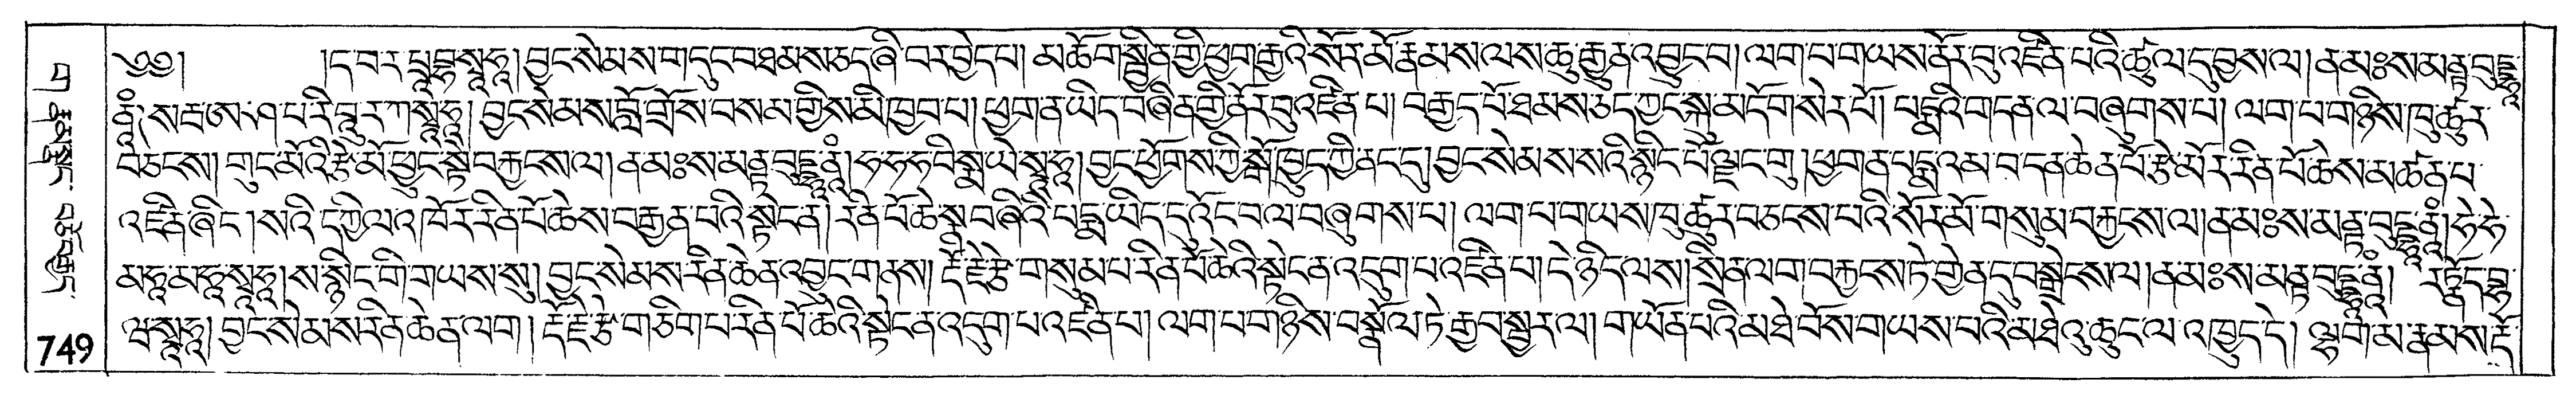༄༅། །ད་བ་ར་པྲཱ་བྷ་སྭཱཧཱ། བྱང་སེམས་གདུང་བ་ཐམས་ཅད་ཞི་བར་བྱེད་པ། མཆོག་སྦྱིན་གྱི་ཕྱག་རྒྱའི་སོར་མོ་རྣམས་ལས་ཆུ་རྒྱུན་འབྱུང་བ། ལག་པ་གཡས་ནོར་བུ་འཛིན་པའི་ཚུལ་དུ་བྱས་ལ། ན་མཿ ས་མནྟ་བུདྡྷཱ་
ནཱཾ། སརྦ་ཨ་ཤ་པ་རི་བཱུ་ར་ཀ་སྭཱཧཱ། བྱང་སེམས་བློ་གྲོས་བསམ་གྱིས་མི་ཁྱབ་པ། ཕྱག་ན་ཡིད་བཞིན་གྱི་ནོར་བུ་འཛིན་པ། བརྒྱད་པོ་ཐམས་ཅད་ཀྱང་སྐུ་མདོག་སེར་པོ། པདམའི་གདན་ལ་བཞུགས་པ། ལག་པ་གཉིས་ཁུ་ཚུར་
བཅངས། གུང་མོའི་རྩེ་མོ་ཕྱུང་སྟེ་བརྐྱངས་ལ། ན་མཿ ས་མནྟ་བུདྡྷཱ་ནཱཾ། ཧ་ཧ་ཧ་བི་སྨ་ཡེ་སྭཱཧཱ། བྱང་ཕྱོགས་ཀྱི་སྒོ་ཁྱུད་ཀྱི་ནང་དུ། བྱང་སེམས་སའི་སྙིང་པོ་ལྗང་གུ །ཕྱག་ན་པདམའམ་བ་དན་ཆེན་པོ་རྩེ་མོར་རིན་པོ་ཆེས་མཚན་པ་
འཛིན་ཞིང་། སའི་དཀྱིལ་འཁོར་རིན་པོ་ཆེས་བརྒྱན་པའི་སྟེང་ན། རིན་པོ་ཆེ་སྣ་བཞིའི་པདམ་ཡིད་དུ་འོང་བ་ལ་བཞུགས་པ། ལག་པ་གཡས་ཁུ་ཚུར་བཅངས་པའི་སོར་མོ་གསུམ་བརྐྱངས་ལ། ན་མཿ ས་མནྟ་བུདྡྷཱ་ནཱཾ། ཧེ་ཧེ་
མཧཱ་མཧཱ་སྭཱཧཱ། ས་སྙིང་གི་གཡས་སུ། བྱང་སེམས་རིན་ཆེན་འབྱུང་གནས། རྡོ་རྗེ་རྩེ་གསུམ་པ་རིན་པོ་ཆེའི་སྟེང་ན་འདུག་པ་འཛིན་པ། དེ་ཉིད་ལས། སྲིན་ལག་བརྐྱངས་ཏེ་གྱེན་དུ་བསྒྲེངས་ལ། ན་མཿ ས་མནྟ་བུདྡྷཱ་ནཱཾ། རཏྣོད་བྷ་
ཝ་སྭཱཧཱ། བྱང་སེམས་རིན་ཆེན་ལག །རྡོ་རྗེ་རྩེ་གཅིག་པ་རིན་པོ་ཆེའི་སྟེང་ན་འདུག་པ་འཛིན་པ། ལག་པ་གཉིས་བསྣོལ་ཏེ་རྒྱབ་སྦྱར་ལ། གཡོན་པའི་མཐེ་བོས་གཡས་པའི་མཐེའུ་ཆུང་ལ་འཁྱུད་དེ། ལྷག་མ་རྣམས་རྡོ་